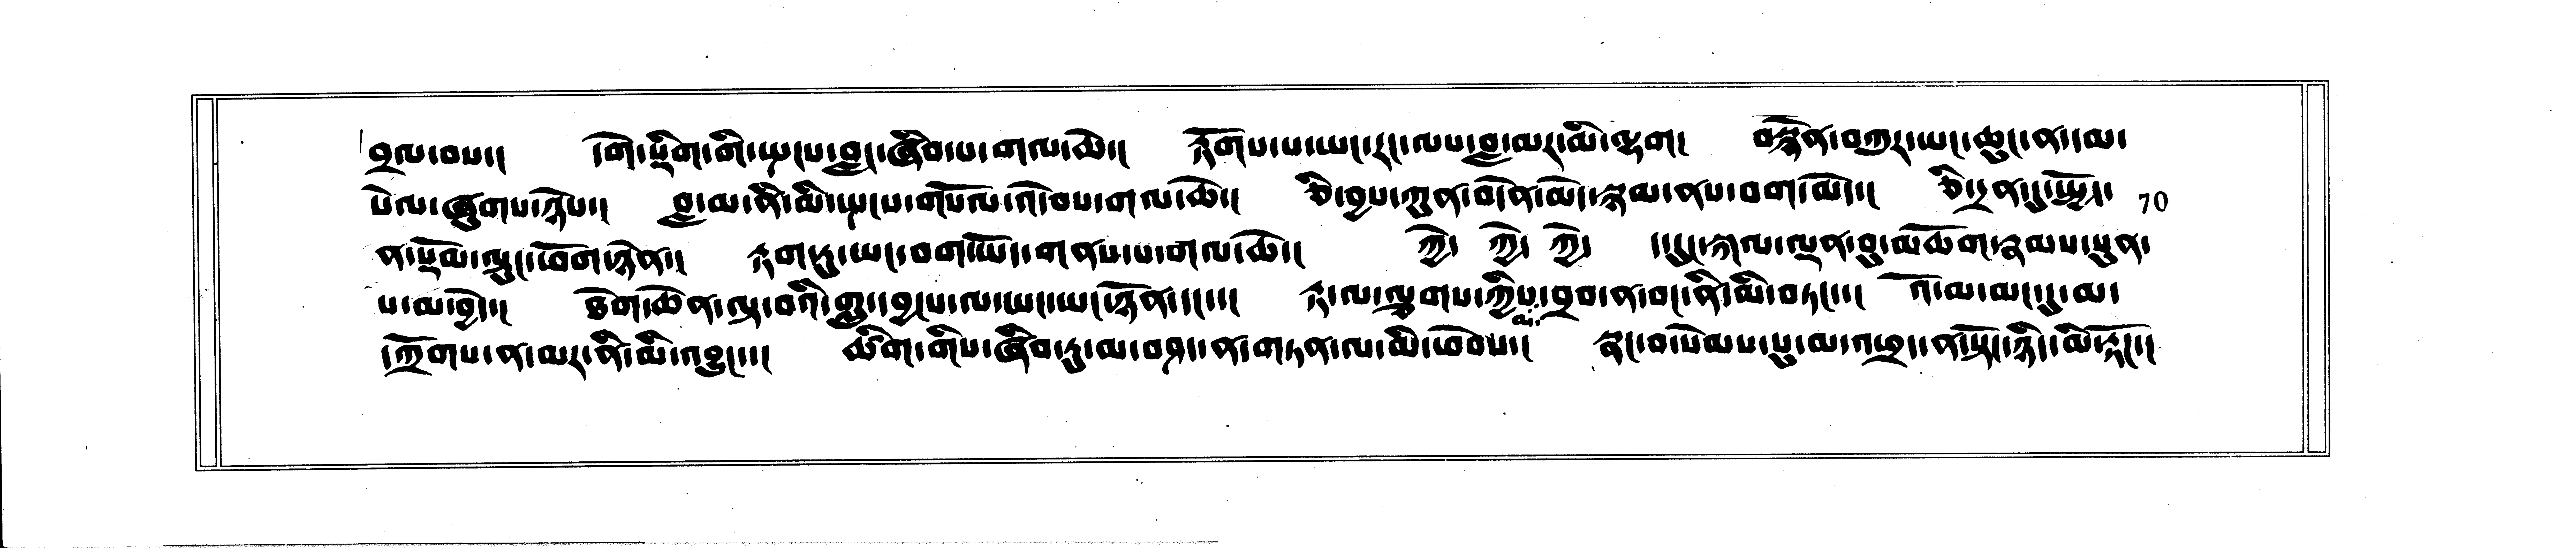བྲལ་བས། །དགེ་སྡིག་གི་སྤང་བླང་ཞིབ་པ་གལ་ཆེ། །རྟོགས་པ་ཡང་རང་ལས་བླ་མར་མི་ལྷག །བསྙེན་བཀུར་ཡང་ཆུང་ན་དམ་
སེལ་ཞུགས་ཉེས། །བླ་མ་ནི་མི་སྤང་གསོལ་འདེབས་ནི་གལ་ཆེ། །ཅི་བྱས་ཀུན་བདེན་མེད་སྙམ་ནས་བག་མེད། །ཅི་དྲན་དུ་སྤྱོད་
ན་སྡོམ་ལྟུང་ཕོགས་ཉེན། །རྟག་ཏུ་ཡང་བག་ཡོད་གནས་པ་གལ་ཆེ། །ཀྱེ་ཀྱེ་ཀྱེ། ད་དུང་སྐལ་ལྡན་བུ་མཆོག་རྣམས་སུན་
པ་མ་བྱེད། །ཐེག་ཆེན་ལྟ་བའི་གླུ་དབྱངས་ལ་ཡང་ཡང་ཉོན་དང་། །རྟ་ལ་ལྕགས་ཀྱིས་མ་བྲབ་ན་བང་ནི་མི་བཏང་། །འོ་མ་མང་དུ་མ་
དཀྲོགས་ན་མར་ནི་མི་འབྱུང་། །ཚིག་གིས་ཞིབ་ཏུ་མ་བཤད་ན་གཏན་ལ་མི་ཕེབས། །སྣང་བ་སེམས་སུ་མི་འཕྲད་ན་སྟོང་ཉིད་མི་རྟོགས། །